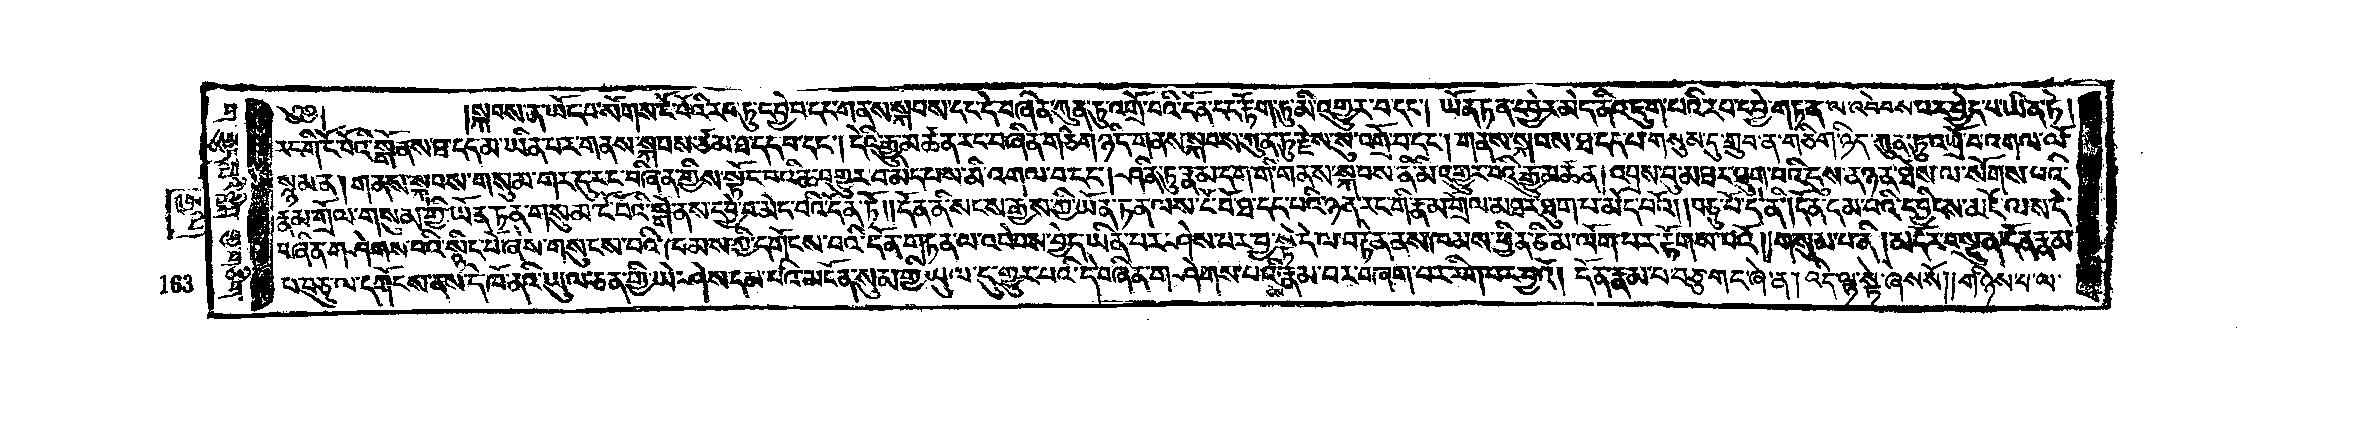༄༅། །སྐབས་ན་ཡོད་པ་སོགས་ངོ་བོའི་རབ་ཏུ་དབྱེ་བ་དང་གནས་སྐབས་དང་དེ་བཞིན་ཀུན་ཏུ་འགྲོ་བའི་དོན་དང་རྟོག་ཏུ་མི་འགྱུར་བ་དང་། ཡོན་ཏན་དབྱེར་མེད་ནི་འཇུག་པའི་རབ་དབྱེ་གཏན་ལ་འབེབས་པར་བྱེད་པ་ཡིན་ཏེ།
རང་གི་ངོ་བོའི་སྒོ་ནས་ཐ་དད་མ་ཡིན་པར་གནས་སྐབས་ཙམ་ཐ་དད་པ་དང་། དེའི་རྒྱུ་མཚན་རང་བཞིན་གཅིག་ཉིད་གནས་སྐབས་ཀུན་ཏུ་རྗེས་སུ་འགྲོ་བ་དང་། གནས་སྐབས་ཐ་དད་པ་གསུམ་དུ་གྲུབ་ན་གཅིག་ཉིད་ཀུན་ཏུ་འཕྲོ་བ་འགལ་ལོ་
སྙམ་ན། གནས་སྐབས་གསུམ་གར་དུ་རང་བཞིན་གྱིས་སྟོང་པའི་ཆ་འགྱུར་བ་མེད་པས་མི་འགལ་བ་དང་། ཤིན་ཏུ་རྣམ་དག་གི་གནས་སྐབས་ནི་མི་འགྱུར་བའི་རྒྱུ་མཚན། འབྲས་བུ་མཐར་ཐུག་པའི་དུས་ན་ཉན་ཐོས་ལ་སོགས་པའི་
རྣམ་གྲོལ་གསུམ་གྱི་ཡོན་ཏན་གསུམ་ངོ་བོའི་སྒོ་ནས་དབྱེ་བ་མེད་པའི་དོན་ཏོ། །དོན་ནི་སངས་རྒྱས་ཀྱི་ཡོན་ཏན་ལས་ངོ་བོ་ཐ་དད་པའི་ཉན་རང་གི་རྣམ་གྲོལ་མཐར་ཐུག་པ་མོད་པའོ། །བཅུ་པོ་དེ་ནི། དོན་དམ་པའི་དབྱིངས་མདོ་ལས་དེ་
བཞིན་གཤེགས་པའི་སྙིང་པོ་ཞེས་གསུངས་པའི་ཁམས་ཀྱི་དགོངས་པའི་དོན་གཏན་ལ་འབེབས་བྱེད་ཡིན་པར་ཤེས་པར་བྱ་སྟེ་དེ་ལ་བརྟེན་ནས་ཁམས་ཕྱིན་ཅི་མ་ལོག་པར་རྟོགས་པའོ། །གསུམ་པ་ནི། མདོར་བསྡུ་ན་དོན་རྣམ་
པ་བཅུ་ལ་དགོངས་ནས་དེ་ཁོ་ནའི་ཡུལ་ཅན་གྱི་ཡེ་ཤེས་དམ་པའི་མངོན་སུམ་གྱི་ཡུལ་དུ་གྱུར་པའི་དེ་བཞིན་གཤེགས་པའི་དེས?་རྣམ་པར་བཞག་པར་རིག་པར་བྱའོ། །དོན་རྣམ་པ་བཅུ་གང་ཞེ་ན། འདི་ལྟ་སྟེ་ཞེས་སོ། །གཉིས་པ་ལ་